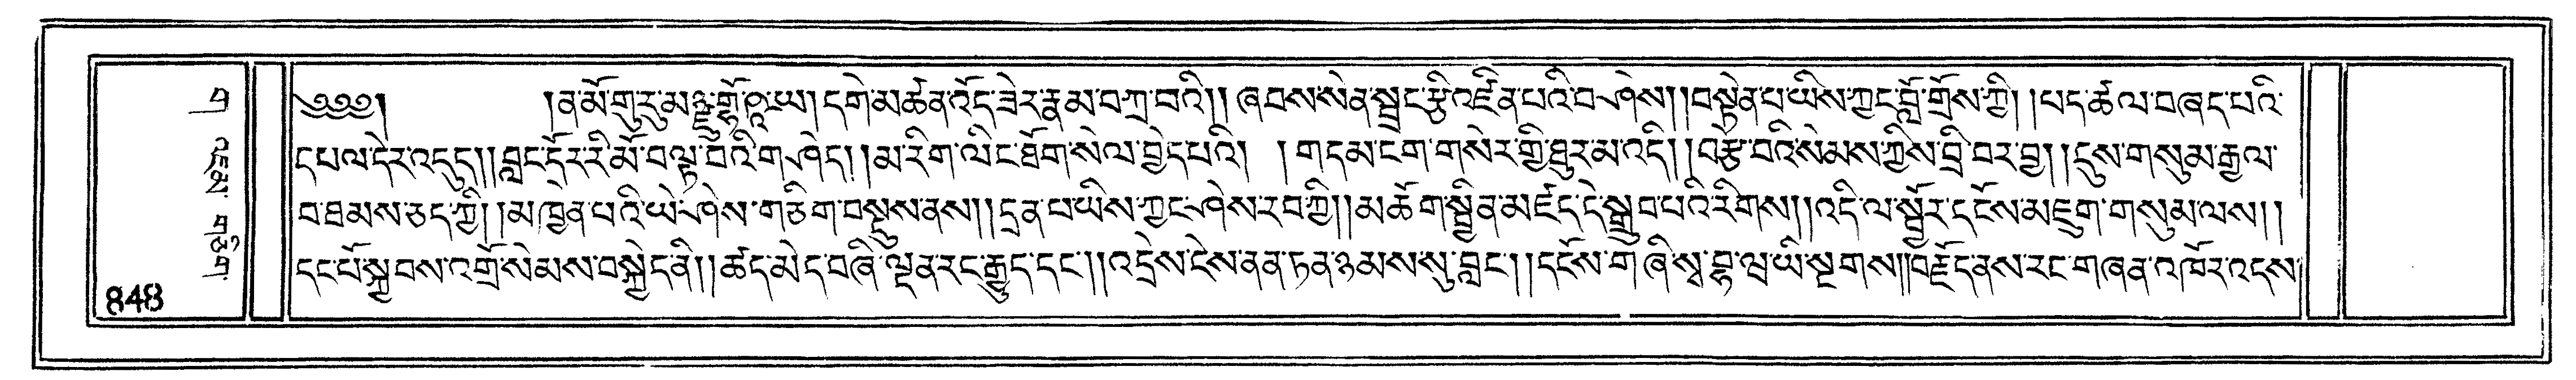༄༅༅། །ན་མོ་གུ་རུ་མཉྫུ་གྷོ་ཥཱ་ཡ། དགེ་མཚན་འོད་ཟེར་རྣམ་བཀྲ་བའི། །ཞབས་སེན་སྦྲང་རྩི་འཛིན་པའི་བཤེས། །བསྟེན་པ་ཡིས་ཀྱང་བློ་གྲོས་ཀྱི། །པད་ཚལ་བཞད་པའི་
དཔལ་དེར་འདུད། །བླང་དོར་རི་མོ་བལྟ་བའི་གཤེད། །མ་རིག་ལིང་ཐོག་སེལ་བྱེད་པའི། །གདམ་ངག་གསེར་གྱི་ཐུར་མ་འདི། །བརྩེ་བའི་སེམས་ཀྱིས་བྲི་བར་བྱ། །དུས་གསུམ་རྒྱལ་
བ་ཐམས་ཅད་ཀྱི། །མཁྱེན་པའི་ཡེ་ཤེས་གཅིག་བསྡུས་ནས། །དྲན་པ་ཡིས་ཀྱང་ཤེས་རབ་ཀྱི། །མཆོག་སྦྱིན་མཛད་དེ་སྒྲུབ་པའི་རིགས། །འདི་ལ་སྦྱོར་དངོས་མཇུག་གསུམ་ལས། །
དང་པོ་སྐྱབས་འགྲོ་སེམས་བསྐྱེད་ནི། །ཚད་མེད་བཞི་ལྡན་རང་རྒྱུད་དང་། །འདྲེས་ངེས་ནན་ཏན་ཉམས་སུ་བླང་། །དངོས་གཞི་སྭ་བྷ་ཝ་ཡི་སྔགས། །བརྗོད་ནས་རང་གཞན་འཁོར་འདས་